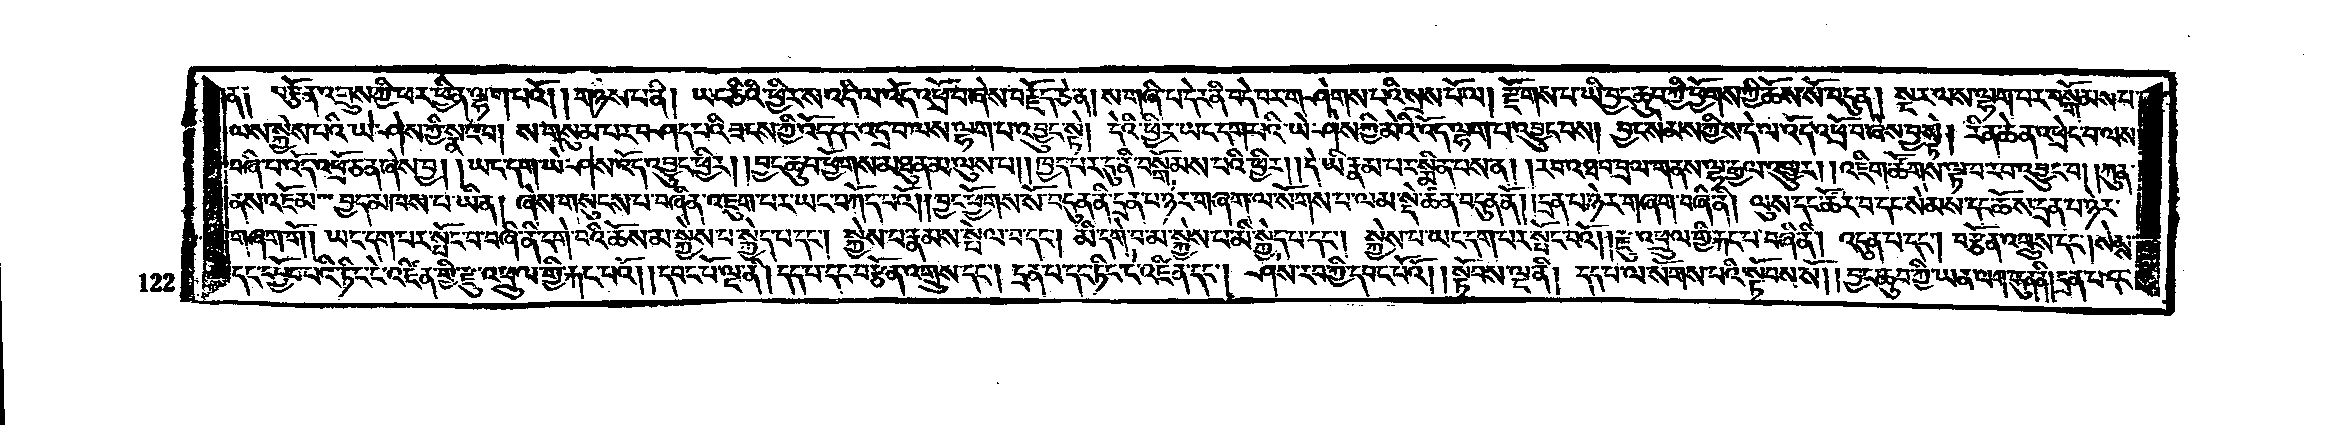ན། བརྩོན་འགྲུས་ཀྱི་ཕར་ཕྱིན་ལྷག་པའོ། །གཉིས་པ་ནི། ཡང་ཅིའི་ཕྱིར་ས་འདི་ལ་འོད་འཕྲོ་བ་ཞེས་བརྗོད་ཅེ་ན། ས་གཞི་པ་དེར་ནི་བདེ་བར་གཤེགས་པའི་སྲས་པོ་ལ། རྫོགས་པ་ཡི་བྱང་ཆུབ་ཀྱི་ཕྱོགས་ཀྱི་ཆོས་སོ་བདུན། སྔར་ལས་ལྷག་པར་བསྒོམས་པ་
ལས་སྐྱེས་པའི་ཡེ་ཤེས་ཀྱི་སྣང་བ། ས་གསུམ་པར་བཤད་པའི་ཟངས་ཀྱི་འོད་དང་འདྲ་བ་ལས་ལྷག་པ་འབྱུང་སྟེ། དེའི་ཕྱིར་ཡང་དག་པའི་ཡེ་ཤེས་ཀྱི་མེའི་འོད་ལྷག་པ་འབྱུང་བས། བྱང་སེམས་ཀྱི་ས་དེ་ལ་འོད་འཕྲོ་བ་ཞེས་བྱ་སྟེ། རིན་ཆེན་འཕྲེང་བ་ལས།
བཞི་པ་འོད་འཕྲོ་ཅན་ཞེས་བྱ། །ཡང་དག་ཡེ་ཤེས་འོད་འབྱུང་ཕྱིར། །བྱང་ཆུབ་ཕྱོགས་མཐུན་མ་ལུས་པ། །ཁྱད་པར་དུ་ནི་བསྒོམས་པའི་ཕྱིར། །དེ་ཡི་རྣམ་པར་སྨིན་པས་ན། །རབ་འཐབ་བྲལ་གནས་ལྷ་རྒྱལ་འགྱུར། །འཇིག་ཚོགས་ལྟ་བ་རབ་འབྱུང་བ། །ཀུན་
ནས་འཇོམས་བྱེད་མཁས་པ་ཡིན། ཞེས་གསུངས་པ་བཞིན་འཇུག་པར་ཡང་བཀོད་པའོ། །བྱང་ཕྱོགས་སོ་བདུན་ནི་དྲན་པ་ཉེར་གཞག་ལ་སོགས་པ་ལམ་སྡེ་ཚན་བདུན་ནོ། །དྲན་པ་ཉེར་གཞག་བཞི་ནི། ལུས་དང་ཚོར་བ་དང་སེམས་དང་ཆོས་དྲན་པ་ཉེར་
གཞག་གོ །ཡང་དག་པར་སྤོང་བ་བཞི་ནི་དགེ་བའི་ཆོས་མ་སྐྱེས་པ་སྐྱེད་པ་དང་། སྐྱེས་པ་རྣམས་སྤེལ་བ་དང་། མི་དགེ་བ་མ་སྐྱེས་པ་མི་སྐྱེད་པ་དང་། སྐྱེས་པ་ཡང་དག་པར་སྤོང་བའོ། །རྫུ་འཕྲུལ་གྱི་རྐང་པ་བཞི་ནི། འདུན་པ་དང་། བརྩོན་འགྲུས་དང་། སེམས་
དང་དཔྱོད་པའི་ཏིང་ངེ་འཛིན་གྱི་རྫུ་འཕྲུལ་གྱི་རྐང་པའོ། །དབང་པོ་ལྔ་ནི། དད་པ་དང་བརྩོན་འགྲུས་དང་། དྲན་པ་དང་ཏིང་ངེ་འཛིན་དང་། ཤེས་རབ་ཀྱི་དབང་པོའོ། །སྟོབས་ལྔ་ནི། དད་པ་ལ་སོགས་པའི་སྟོབས་སོ། །བྱང་ཆུབ་ཀྱི་ཡན་ལག་བདུན་ནི། དྲན་པ་དང་